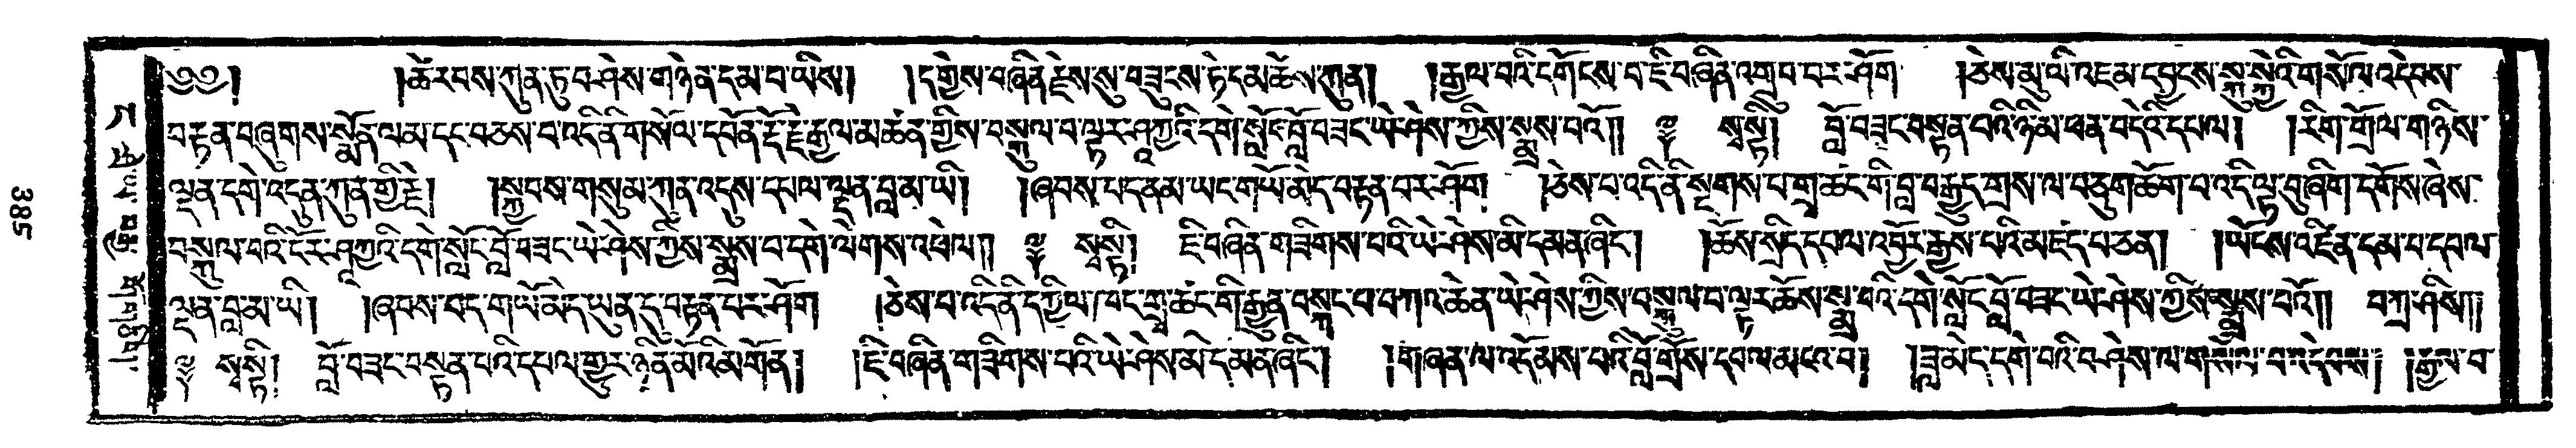༄༅། །ཚེ་རབས་ཀུན་ཏུ་བཤེས་གཉེན་དམ་པ་ཡིས། །དགྱེས་བཞིན་རྗེས་སུ་བཟུངས་ཏེ་དམ་ཆོས་ཀུན། །རྒྱལ་བའི་དགོངས་བ་ཇི་བཞིན་འགྲུབ་བར་ཤོག །ཅེས་མུ་ལི་འཇམ་དབྱངས་སྐུ་སྐྱེའི་གསོལ་འདེབས་
བརྟན་བཞུགས་སྨོན་ལམ་དང་བཅས་བ་འདི་ནི་གསོལ་དཔོན་རྡོ་རྗེ་རྒྱལ་མཚན་གྱིས་བསྐུལ་བ་ལྟར་ཤཱཀྱའི་དགེ་སློང་བློ་བཟང་ཡེ་ཤེས་ཀྱིས་སྨྲས་པའོ།། ༈ སྭ་སྟི། བློ་བཟང་བསྟན་པའི་ཉི་མ་ཕན་བདེའི་དཔལ། །རིག་གྲོལ་གཉིས་
ལྡན་དགེ་འདུན་ཀུན་གྱི་རྗེ། །སྐྱབས་གསུམ་ཀུན་འདུས་དཔལ་ལྡན་བླ་མ་ཡི། །ཞབས་པད་ནམ་ཡང་གཡོ་མེད་བརྟན་པར་ཤོག །ཅེས་པ་འདི་ནི་སྔགས་པ་གྲྭ་ཚང་གི་བླ་བརྒྱུད་གྲས་ལ་བཅུག་ཆོག་བ་འདི་ལྟ་བུ་ཞིག་དགོས་ཞེས་
བསྐུལ་བའི་ངོར་ཤཱཀྱའི་དགེ་སློང་བློ་བཟང་ཡེ་ཤེས་ཀྱིས་སྨྲས་པ་དགེ་ལེགས་འཕེལ།། ༈ སྭ་སྟི། ཇི་བཞིན་གཟིགས་པའི་ཡེ་ཤེས་མི་དམན་ཞིང་། །ཆོས་སྲིད་དཔལ་འབྱོར་རྒྱས་པའི་མཛད་པ་ཅན། །ཡོངས་འཛིན་དམ་པ་དཔལ་
ལྡན་བླ་མ་ཡི། །ཞབས་བད་གཡོ་མེད་ཡུན་དུ་བརྟན་པར་ཤོག །ཅེས་པ་འདི་ནི་དཀྱིལ་ཁང་གྲྭ་ཚང་གི་རྒྱུན་བསྐང་པ་བཀའ་ཆེན་ཡེ་ཤེས་ཀྱིས་བསྐུལ་བ་ལྟར་ཆོས་སྨྲ་བའི་དགེ་སློང་བློ་བཟང་ཡེ་ཤེས་ཀྱིས་སྨྲས་པའོ།། བཀྲ་ཤིས།།
༈ སྭསྟི། བློ་བཟང་བསྟན་པའི་དཔལ་གྱུར་ཉིན་མོའི་མགོན། །ཇི་བཞིན་གཟིགས་པའི་ཡེ་ཤེས་མི་དམན་ཞིང་། །གཞན་ལ་འདོམས་པའི་པའི་བློ་གྲོས་དཔལ་མངའ་བ། །ཟླ་མེད་དགེ་བའི་བཤེས་ལ་གསོལ་བ་འདེབས། །རྒྱལ་བ་